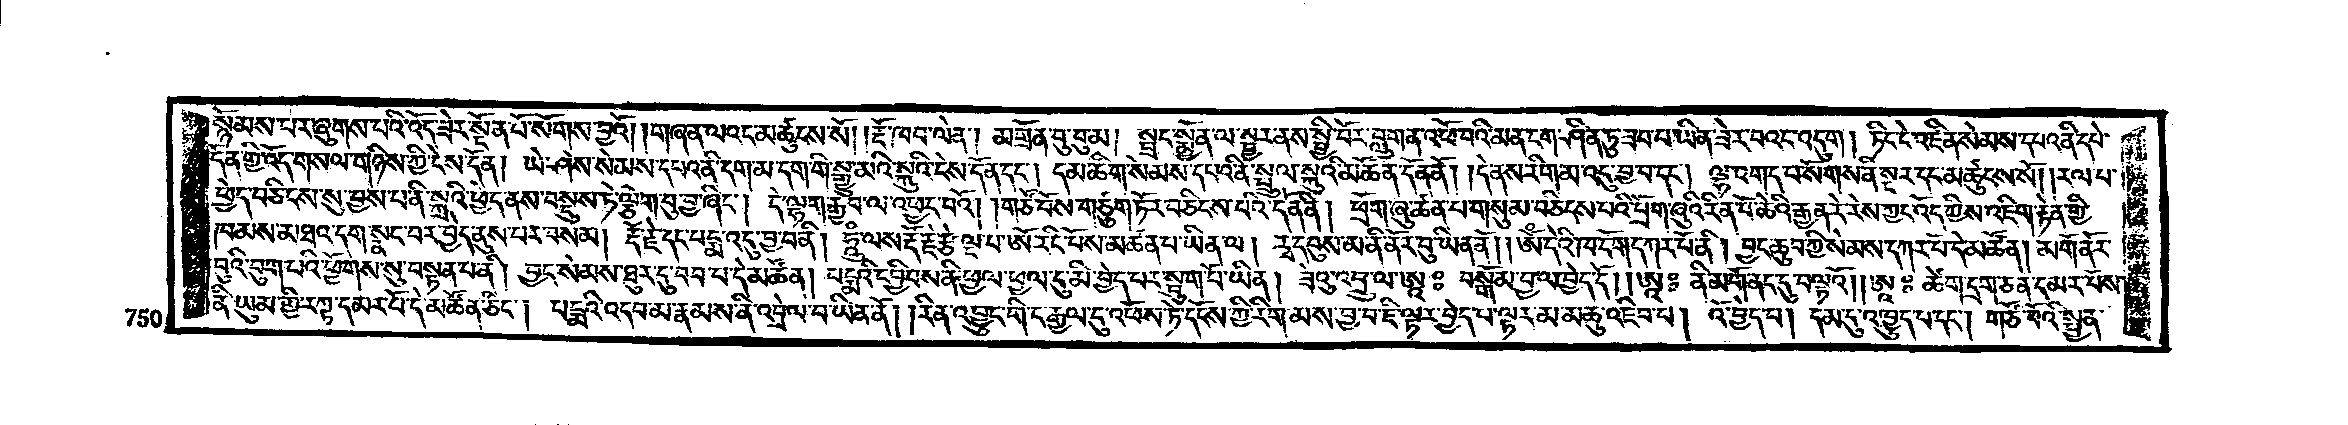སྙོམས་པར་ཞུགས་པའི་འོད་ཟེར་སྔོན་པོ་སོགས་བྱའོ། །གཞན་ལའང་མཚུངས་སོ། །རྡོ་ཁབ་ལེན། མགྲོན་བུ་བུ་མ། སྦྲང་སྨྱོན་ལ་སྦྱར་ནས་སྤྱི་བོར་བླུག་ན་འཕོ་བའི་མན་ངག་ཤིན་ཏུ་ཟབ་པ་ཡིན་ཟེར་བའང་འདུག །ཏིང་ངེ་འཛིན་སེམས་དཔའ་ནི་དཔེ་
དོན་གྱི་འོད་གསལ་གཉིས་ཀྱི་ངེས་དོན། ཡེ་ཤེས་སེམས་དཔའ་ནི་དག་མ་དག་གི་སྒྱུ་མའི་སྐུའི་ངེས་དོན་དང་། དམ་ཚིག་སེམས་དཔའ་ནི་སྤྲུལ་སྐུའི་མཚོན་དོན་ནོ། །དེ་ནས་རིག་མ་འདུ་བྱ་བ་དང་། ལྷ་འགད་པ་སོགས་ནི་སྔར་དང་མཚུངས་སོ། །རལ་པ་
ཕྱེད་བཅིངས་སུ་བྱས་པ་ནི་སྐྲའི་ཕྱེད་ནས་བསྡུས་ཏེ་ལྕེག་བུ་བྱ་ཞིང་། དེ་ལྷག་རྒྱབ་ལ་འཕྱང་བའོ། །གཙོ་བོས་གཙུག་ཏོར་བཅིངས་པའི་དོན་ནི། པྲོག་ཞུ་ཚན་པ་གསུམ་བཅིངས་པའི་པྲོག་ཞུའི་རིན་པོ་ཆེའི་རྒྱན་རེ་རེས་ཀྱང་འོད་ཀྱིས་འཇིག་རྟེན་གྱི་
ཁམས་མཐའ་དག་སྣང་བར་བྱེད་ནུས་པར་བསམ། རྡོ་རྗེ་དང་པདམ་འདུ་བྱ་བ་ནི། ཧཱུཾ་ལས་རྡོ་རྗེ་རྩེ་ལྔ་པ་ཨོཾ་རིང་པོས་མཚན་པ་ཡིན་ལ། རྭ་དབུས་མ་ནི་ནོར་བུ་ཡིན་ནོ། །ཨོཾ་དེའི་ཁ་དོག་དཀར་པོ་ནི། བྱང་ཆུབ་ཀྱི་སེམས་དཀར་པོ་དེ་མཚོན། མགོ་ནོར་
བུའི་བུག་པའི་ཕྱོགས་སུ་བསྟན་པ་ནི། བྱང་སེམས་ཐུར་དུ་བབ་པ་དེ་མཚོན། པདམའི་དབྱིབས་ནི་ཕྱལ་ཕྱལ་དུ་མི་བྱེད་པར་སྦུག་པོ་ཡིན། ཟེའུ་འབྲུ་ལ་ཨཱཿ བསྒོམ་བྱ་ལ་བྱེད་དོ། །ཨཱཿ ནི་མགོ་ནང་དུ་བལྟའོ། །ཨཱཿ ཚེག་དྲག་ཅན་དམར་པོས་
ནི་ཡུམ་གྱི་རཀྟ་དམར་པོ་དེ་མཚོན་ཅིང་། པདམའི་འདབ་མ་རྣམས་ནི་འབྲེལ་བ་ཡིན་ནོ། །རིན་འབྱུང་གི་ང་རྒྱལ་དུ་འཕོས་ཏེ་དངོས་ཀྱི་རིག་མས་བྱ་བ་ཇི་ལྟར་བྱེད་པ་ལྟར་མ་མཆུ་འཇིབ་པ། འོ་བྱེད་པ། དམ་དུ་འཁྱུད་པ་དང་། གཙོ་བོའི་སྤྱན་